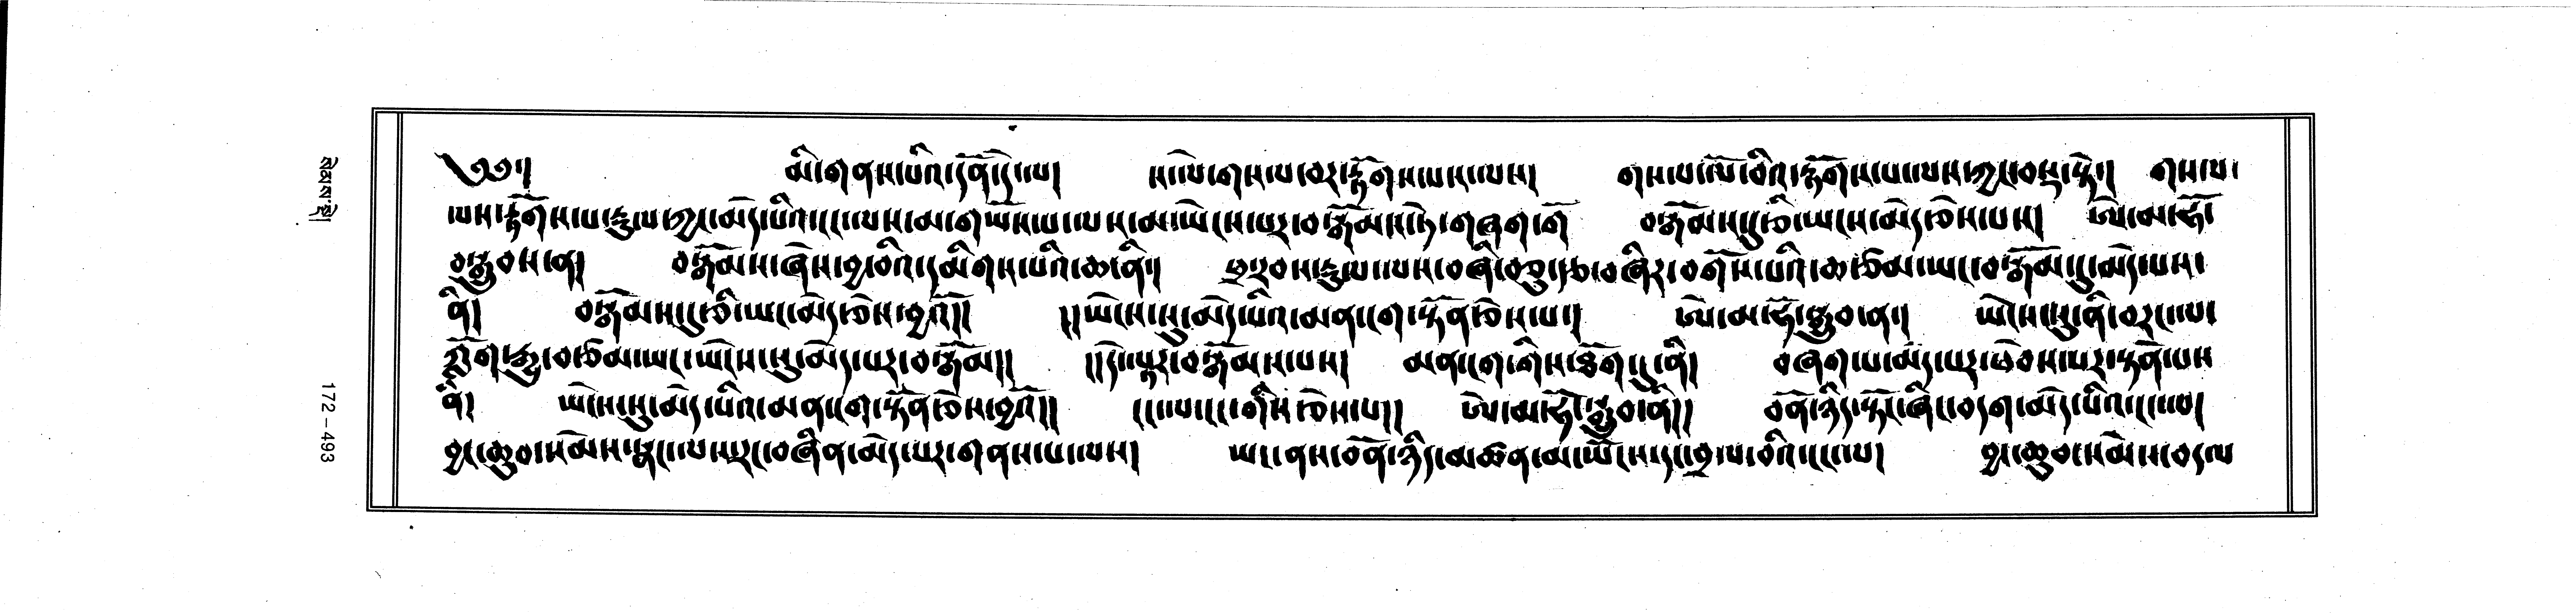མི་གནས་པའི་དོན་དེ་ལ། ས་ལེ་གསལ་བར་རྟོགས་པས་ལས། གསལ་ལོ་བའི་རྟོགས་པ་ལས་ཀྱང་བསྡ་སྟེ། གསལ་
ལས་རྟོགས་པ་རྡུལ་ཀྱང་མེད་པའ་ངང་ལས་མ་གཡོས་པ་ལས་མ་གཡེང་པར་བསྒོམས་ཏེ་གཞག་གོ བསྒོམས་དུ་ཅི་ཡང་མེད་ཅེས་པས། ཨེ་མ་ཧོ། 
བསྒྲུབས་ན། བསྒོམས་ཞེས་བྱ་བའི་དམིགས་པའི་ཆ་ནི། ཕྲ་རབས་རྡུལ་ལས་བཞི་བཅུ་རྩ་བཞིར་བགོས་པའི་ཆ་ཙམ་ཡང་བསྒོམ་དུ་མེད་པས་
ནི། བསྒོམས་དུ་ཅི་ཡང་མེད་ཅེས་བྱའོ། གཡེང་སུ་མེད་པའི་མན་ངག་སྟོན་ཅེས་པ། ཨེ་མ་ཧོ་སྒྲུབ་ན། གཡེང་སུ་ནི་བར་སྣང་ལ་
ཀློག་རྒྱུ་བ་ཙམ་ཡང་གཡེང་སུ་མེད་པར་བསྒོམ། དེ་ལྟར་བསྒོམས་པས། མན་ངག་གིས་ཐོག་དུ་ནི། བཞག་པ་མེད་པར་ཕེབས་པར་སྟོན་པས་
ནི། གཡེངས་སུ་མེད་པའི་མན་ངག་སྟོན་ཅེས་བྱའོ། ངང་ལ་ངང་གིས་ཅེས་པ། ཨེ་མ་ཧོ་སྒྲུབ་ནི། བོན་ཉིད་སྟོང་ཞིང་བདག་མེད་པའི་ངང་ལ། 
བྱང་ཆུབ་སེམས་སྣང་ལས་རང་བཞིན་མེད་པར་གནས་པ་ལས། ཡང་ནས་བོན་ཉིད་མཚན་མ་ཡོངས་དང་བྲལ་བའི་ངང་ལ། བྱང་ཆུབ་སེམས་བདལ་